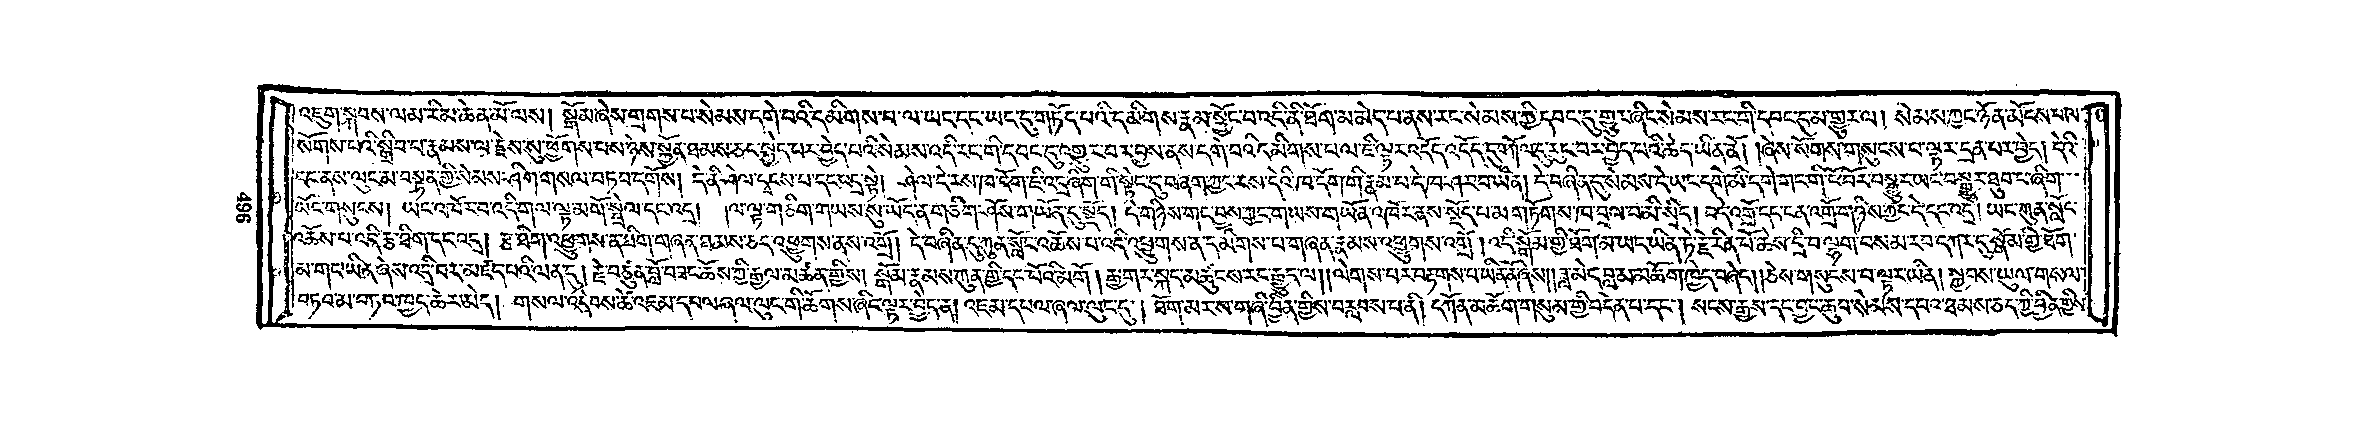འཇུག་སྐབས་ལམ་རིམ་ཆེན་མོ་ལས། སྒོམ་ཞེས་གྲགས་པ་སེམས་དགེ་བའི་དམིགས་པ་ལ་ཡང་དང་ཡང་དུ་གཏོད་པའི་དམིགས་རྣམ་སྐྱོང་བ་འདི་ནི་ཐོག་མ་མེད་པ་ནས་རང་སེམས་ཀྱི་དབང་དུ་གྱུར་ཞིང་སེམས་རང་གི་དབང་དུ་མ་གྱུར་ལ། སེམས་ཀྱང་ཉོན་མོངས་པ་ལ་
སོགས་པའི་སྒྲིབ་པ་རྣམས་ལ་རྗེས་སུ་ཕྱོགས་པས་ཉེས་སྐྱོན་ཐམས་ཅད་སྐྱེད་པར་བྱེད་པའི་སེམས་འདི་རང་གི་དབང་དུ་འགྱུར་བར་བྱས་ནས་དགེ་བའི་དམིགས་པ་ལ་ཇི་ལྟར་འདོད་འདོད་དུ་བཀོལ་དུ་རུང་བར་བྱེད་པའི་ཆེད་ཡིན་ནོ། །ཞེས་སོགས་གསུངས་པ་ལྟར་དྲན་པར་བྱེད། དེའི་
ངང་ནས་ལུང་མ་བསྟན་གྱི་སེམས་ཤིག་གསལ་བཏབ་དགོས། དེ་ནི་ཤེལ་དྭངས་པ་དང་འདྲ་སྟེ། ཤེལ་དེ་རས་ཁ་དོག་ཇི་འདྲ་ཞིག་གི་སྟེང་དུ་བཞག་ཀྱང་རས་དེའི་ཁ་དོག་གི་རྣམ་པ་དེ་ཁ་ཤར་བ་ཡིན། དེ་བཞིན་དུ་སེམས་དེ་ཡང་དགེ་མི་དགེ་གང་གི་ངོ་བོར་བསྒྱུར་ཡང་བསྒྱུར་ཐུབ་པ་ཞིག་
ཡོང་གསུངས། ཡང་འཁོར་བ་འདི་གལ་ལྟ་མགོ་སྦྲེལ་དང་འདྲ། །ལ་ལྟ་གཅིག་གཡས་སུ་ཡོད་ན་གཅིག་ཤོས་གཡོན་དུ་སྡོད། དེ་གཉིས་གང་བྱས་ཀྱང་གཡས་གཡོན་འཁོར་ནས་སྡོད་པ་མ་གཏོགས་ཁ་བྲལ་བ་མི་སྲིད། བདེ་འགྲོ་དང་ངན་འགྲོ་གཉིས་ཀྱང་དེ་དང་འདྲ། ཡང་ཀུན་སློང་
འཆོས་པ་འདི་རྩ་ཐིག་དང་འདྲ། རྩ་ཐིག་འཕྱུགས་ན་ཐིག་གཞན་ཐམས་ཅད་འཕྱུགས་ནས་འགྲོ་།དེ་བཞིན་དུ་ཀུན་སློང་འཆོས་པ་འདི་འཕྱུགས་ན་དམིགས་པ་གཞན་རྣམས་འཕྱུགས་འགྲོ་།འདི་སྒོམ་གྱི་ཐོག་མ་ཡང་ཡིན་ཏེ་རྗེ་རིན་པོ་ཆེས་དྲི་བ་ལྷག་བསམ་རབ་དཀར་དུ་སྒོམ་གྱི་ཐོག་
མ་གང་ཡིན་ཞེས་འདྲི་བར་མཛད་པའི་ལན་དུ། རྗེ་བཙུན་བློ་བཟང་ཆོས་ཀྱི་རྒྱལ་མཚན་གྱིས། སྒོམ་རྣམས་ཀུན་གྱི་དང་པོའི་མགོ། རྒྱ་གར་སྐད་མཚུངས་རང་རྒྱུད་ལ། །ལེགས་པར་བརྟགས་པ་ཡིན་ནོ་ཞེས། །ཟླ་མེད་བླ་མ་མཆོག་ཁྱེད་བཞེད། །ཅེས་གསུངས་པ་ལྟར་ཡིན། སྐྱབས་ཡུལ་གསལ་
བཏབ་མ་བཏབ་ཁྱད་ཆེར་མེད། གསལ་འདེབས་ཚེ་འཇམ་དཔལ་ཞལ་ལུང་གི་ཆོགས་ཞིང་ལྟར་བྱེད་ན། འཇམ་དཔལ་ཞལ་ལུང་དུ། ཐོག་མར་ས་གཞི་བྱིན་གྱིས་བརླབས་པ་ནི། དཀོན་མཆོག་གསུམ་གྱི་བདེན་པ་དང་། སངས་རྒྱས་དང་བྱང་ཆུབ་སེམས་དཔའ་ཐམས་ཅད་ཀྱི་བྱིན་གྱིས་